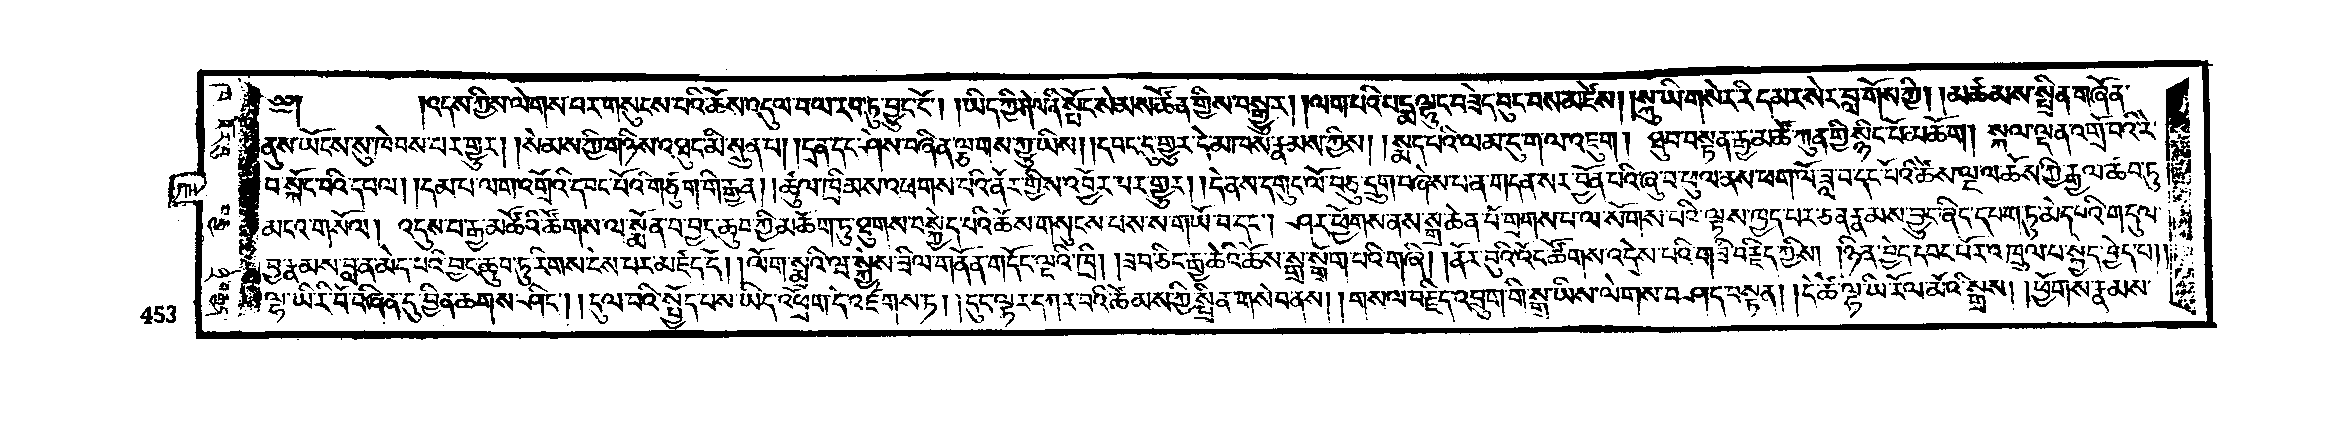༄༅། །འདས་ཀྱིས་ལེགས་པར་གསུངས་པའི་ཆོས་འདུལ་བ་ལ་རབ་ཏུ་བྱུང་ངོ། །ཡིད་ཀྱི་ཤེལ་ནི་སྤོང་སེམས་ཚོན་གྱིས་བསྒྱུར། །ལག་པའི་པདམ་ལྷུང་བཟེད་བུང་བས་མཛེས། །སྐུ་ཡི་གསེར་རི་དམར་སེར་བླ་གོས་ཀྱི། །མཚམས་སྤྲིན་གཞོན་
ནུས་ཡོངས་སུ་ཁེབས་པར་གྱུར། །སེམས་ཀྱི་གཉིས་འཐུང་མི་སྲུན་པ། །དྲན་དང་ཤེས་བཞིན་ལྕགས་ཀྱུ་ཡིས། །དབང་དུ་གྱུར་དེ་མཁས་རྣམས་ཀྱིས། །སྨད་པའི་ལམ་དུ་ག་ལ་འཇུག། ཐུབ་བསྟན་རྒྱ་མཚོ་ཀུན་གྱི་སྙིང་པོ་མཆོག། སྐལ་ལྡན་འགྲོ་བའི་རེ་
པ་སྐོང་བའི་དཔལ། །དམ་པ་ལག་འགྲོའི་དབང་པོའི་གཙུག་གི་རྒྱན། །ཚུལ་ཁྲིམས་འཕགས་པའི་ནོར་གྱིས་འབྱོར་པར་གྱུར། །དེ་ནས་དགུང་ལོ་བཅུ་དྲུག་བཞེས་པ་ན་གདན་སར་བྱོན་པའི་ཞུ་བ་ཕུལ་ནས་ཕག་ལོ་ཟླ་བ་དང་པོའི་ཚེས་ལྔ་ལ་ཆོས་ཀྱི་རྒྱལ་ཚབ་ཏུ་
མངའ་གསོལ། འདུས་པ་རྒྱ་མཚོའི་ཚོགས་ལ་སྨོན་པ་བྱང་ཆུབ་ཀྱི་མཆོག་ཏུ་ཐུགས་བསྐྱེད་པའི་ཆོས་གསུངས་པས་ས་གཡོ་བ་དང་། ཤར་ཕྱོགས་ནས་སྒྲ་ཆེན་པོ་གྲགས་པ་ལ་སོགས་པའི་ལྟས་ཁྱད་པར་ཅན་རྣམས་བྱུང་ཞིང་དཔག་ཏུ་མེད་པའི་གདུལ་
བྱ་རྣམས་བླ་ན་མེད་པའི་བྱང་ཆུབ་ཏུ་རིགས་ངེས་པར་མཛད་དོ། །ལོག་སྨྲའི་ཝ་སྐྱེས་ཟིལ་གནོན་གདོང་ལྔའི་ཁྲི། །ཟབ་ཅིང་རྒྱ་ཆེའི་ཆོས་སྒྲ་སྒྲོག་པའི་གཞི། །ནོར་བུའི་འོད་ཚོགས་འདྲེས་པའི་གཟི་བརྗིད་ཀྱིས། །ཉིན་བྱེད་དབང་པོར་འཁྲུལ་པ་སྐྱེད་བྱེད་པ།།
ལྷ་ཡི་རི་བོ་བཞིན་དུ་བྱིན་ཆགས་ཤིང་། །དུལ་བའི་སྤྱོད་པས་ཡིད་འཕྲོག་དེ་འཛེགས་ཏ། །དུང་ལྟར་དཀར་བའི་ཚེམས་ཀྱི་སྤྲིན་གསེབ་ནས། །གསལ་བརྗིད་འབྲུག་གི་སྒྲ་ཡིས་ལེགས་བཤད་བསྟན། །དེ་ཚེ་ལྷ་ཡི་རོལ་མོའི་སྒྲས། །ཕྱོགས་རྣམས་